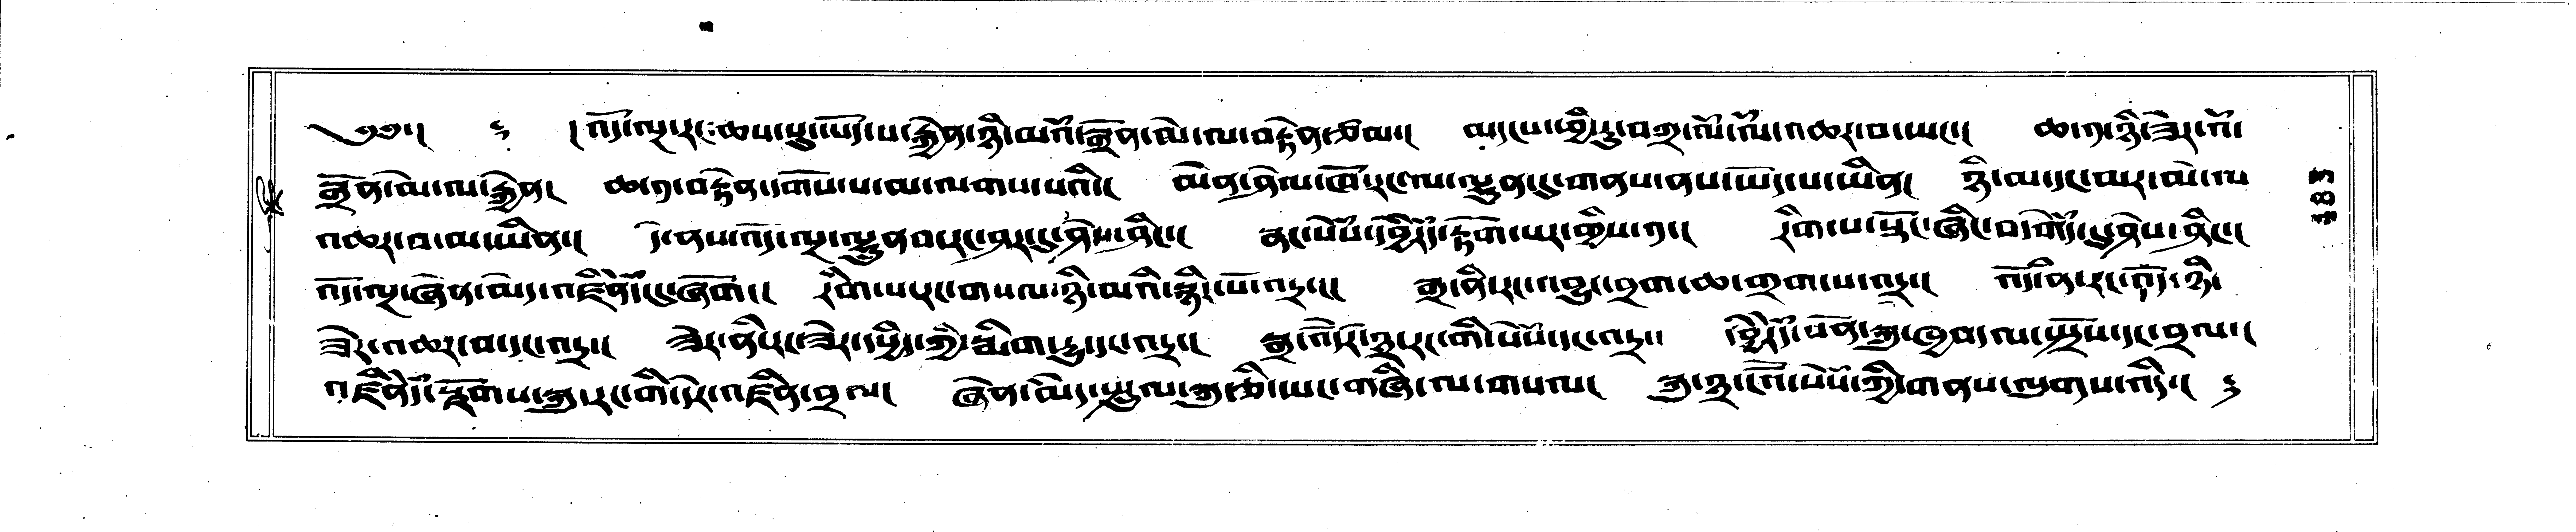འོད་ལྔ་རང་ཆས་སུ་ཡོད་ལས། རྐྱེན་ཉི་མའི་སྒྲོན་མེ་ལ་བརྟེན་ཙ། གདང་ཕྱི་རུ་བཀྲ་ལམ་ལམ་འཆར་བ་ཡང་། ཆ་ཅིག་ཉི་ཟེར་འམ་
སྒྲོན་མེ་ལ་རྐྱེན་ཅིག་བརྟེན་དགོས་པ་མ་ལགས་པ། མེ་ཤེལ་ཁོ་རང་ལ་ལྷུན་གྲུབ་དུ་གནས་ཡོད་པ་ཡིན། ཉི་མ་དང་མར་མེ་ལ་
འཆར་བ་མ་ཡིན། དེ་ནས་འོད་ལྔ་ལྷུན་གྲུབ་རང་ཤར་དུ་ཤེས་ཅིང་། སྣང་སེམས་དབྱེར་མེད་དུ་རྟོགས་པར་གྱིས་ རིག་པ་སྟོང་ཞིང་བདག་མེད་དུ་ཤེས་ཤིང་
འོད་ལྔ་ཞེན་མེད་འཛིན་མེད་དུ་ཞོག་རིག་པ་རང་གསལ་ཉི་མའི་སྙིང་པོ་འདྲ། སྒྲ་ནི་རང་འབྱུང་བྲག་ཆ་གྲག་པ་འདྲ། འོད་ནི་རང་འོད་ཉི་
ཟེར་འཆར་བ་འདྲ། ཟེར་ནི་རང་ཟེར་དཔྱིད་ཀྱིས་སྨིག་སྒྱུ་འདྲ། སྒྲ་འོད་ཟེར་གསུམ་རང་གིས་སེམས་དང་ དབྱེར་མེད་བོན་སྐུ་ཁྱབ་བདལ་སྤྲོས་དང་བྲལ། 
འཛིན་མེད་རྫོགས་སྐུ་རང་རིག་དེར་འཛིན་བྲལ། ཞེན་མེད་སྤྲུལ་སྐུ་ཅིར་འཆར་གཞི་ལ་གསལ། སྐུ་གསུམ་ངོའོ་སེམས་ཉིད་གནས་ལུགས་འདི།